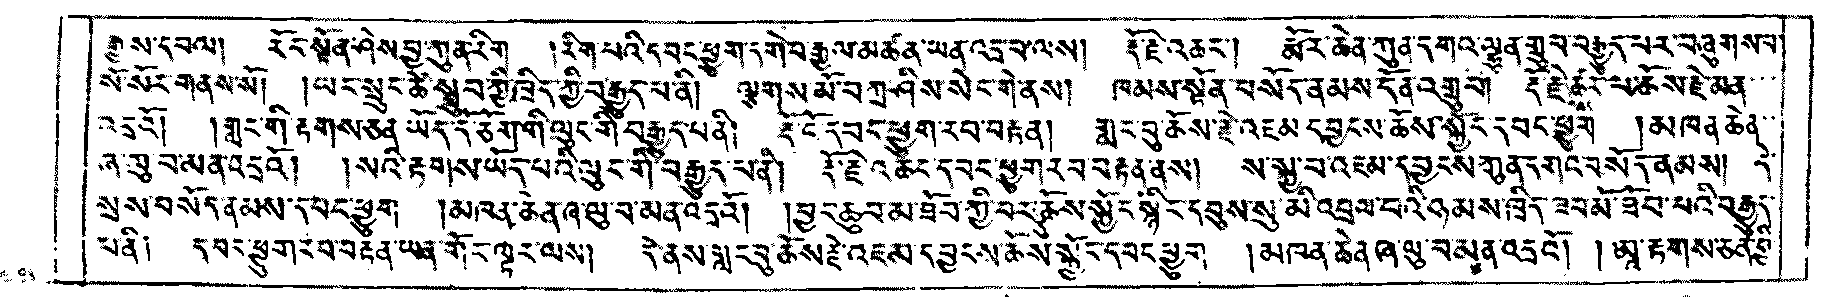རྒྱས་དཔལ། རོང་སྟོན་ཤེས་བྱ་ཀུན་རིག །རིག་པའི་དབང་ཕྱུག་དགེ་བ་རྒྱལ་མཚན་ཡན་འདྲ་བ་ལས། རྡོ་རྗེ་འཆང་། རྨོར་ཆེན་ཀུན་དགའ་ལྷུན་གྲུབ་བརྒྱུད་པར་བཞུགས་པ་
སོ་སོར་གནས་སོ། །ཡང་སྲུང་ཚེ་སྒྲུབ་ཀྱི་ཁྲིད་ཀྱི་བརྒྱུད་པ་ནི། ལྕགས་མོ་བཀྲ་ཤིས་སེང་གེ་ནས། ཁམས་སྟོན་བསོད་ནམས་དོན་འགྲུབ། རྡོ་རྗེ་འཆང་ཚར་པ་ཆོས་རྗེ་མན་
འདྲའོ། །གླང་གི་རྟགས་ཅན་ཡོད་དོ་ཅོག་གི་ལུང་གི་བརྒྱུད་པ་ནི། རྡོ་ངོ་དབང་ཕྱུག་རབ་བརྟན། གླང་བུ་ཆོས་རྗེ་འཇམ་དབྱངས་ཆོས་སྐྱོང་དབང་ཕྱུག །མཁན་ཆེན་
ཞ་ལུ་བ་མན་འདྲའོ། །སའི་རྟགས་ཡོད་པའི་ལུང་གི་བརྒྱུད་པ་ནི། རྡོ་རྗེ་འཆང་དབང་ཕྱུག་རབ་བརྟན་ནས། ས་སྐྱ་པ་འཇམ་དབྱངས་ཀུན་དགའ་བསོད་ནམས། དེ་
སྲས་བསོད་ནམས་དབང་ཕྱུག །མཁན་ཆེན་ཞ་ལུ་བ་མན་འདྲའོ། །བྱང་ཆུབ་མ་ཐོབ་ཀྱི་བར་དུ་ཆོས་སྐྱོང་སྙིང་དབུས་སུ་མི་འབྲལ་བའི་ཉམས་ཁྲིད་ཟབ་མོ་ཐོབ་པའི་བརྒྱུད་
པ་ནི། དབང་ཕྱུག་རབ་བརྟན་ཡན་གོང་ལྟར་ལས། དེ་ནས་གླང་བུ་ཆོས་རྗེ་འཇམ་དབྱངས་ཆོས་སྐྱོང་དབང་ཕྱུག །མཁན་ཆེན་ཞ་ལུ་བ་མན་~྾་འདྲའོ། །ཨཱ་རྟགས་ཅན་གྱི་